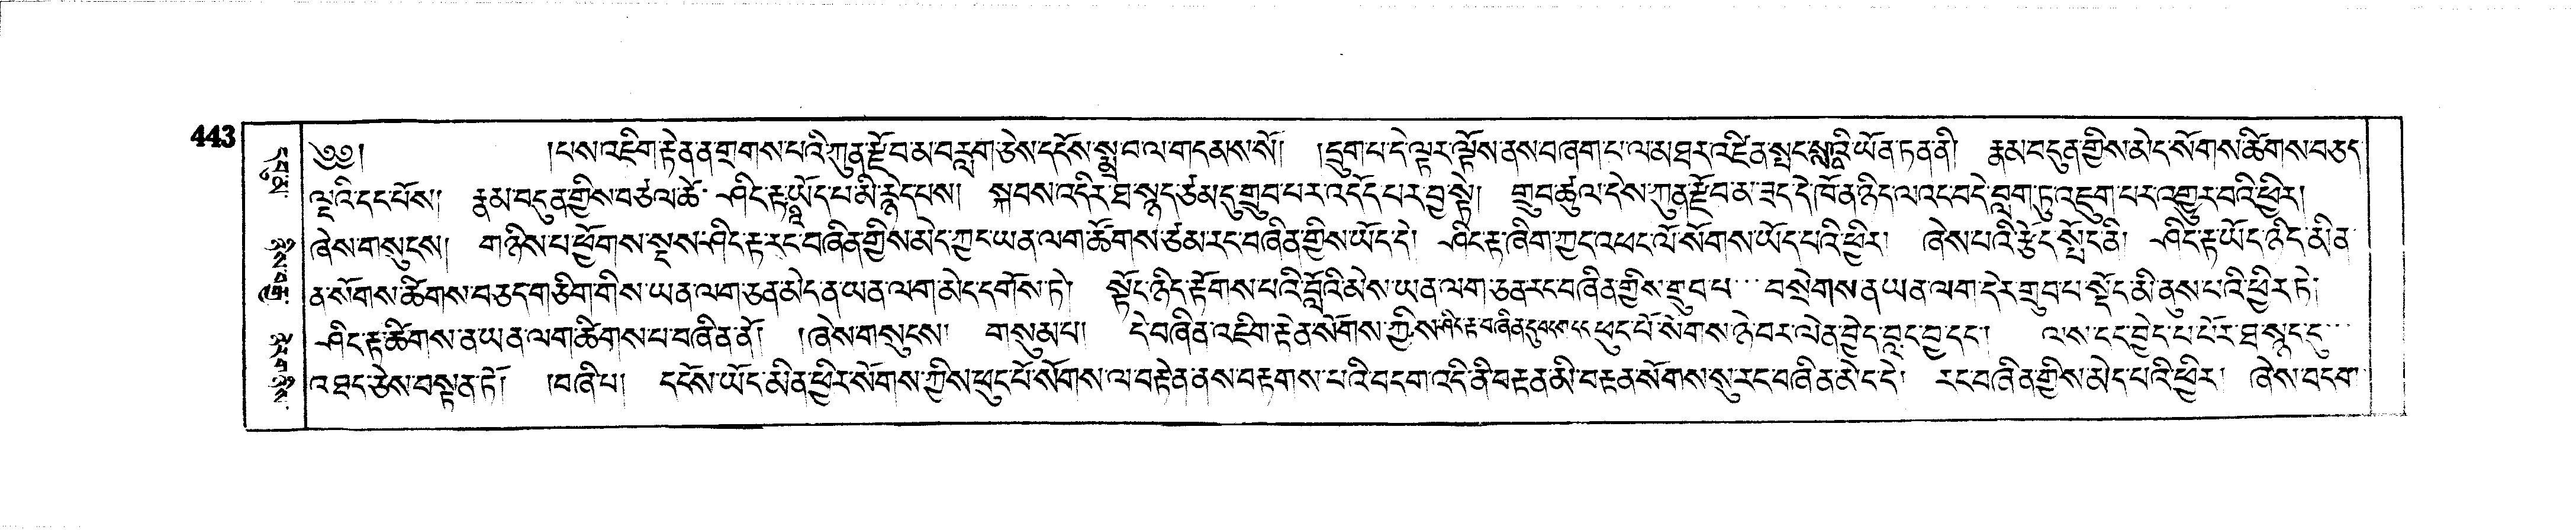༄༅། །པས་འཇིག་རྟེན་ན་གྲགས་པའི་ཀུན་རྫོབ་མ་བརླག་ཅེས་དངོས་སྨྲ་བ་ལ་གདམས་སོ། །དྲུག་པ་དེ་ལྟར་ལྟོས་ནས་བཞག་པ་ལ་མཐར་འཛིན་སྤང་སླ་བའི་ཡོན་ཏན་ནི། རྣམ་བདུན་གྱིས་མེད་སོགས་ཚིགས་བཅད་
ལྔའི་དང་པོས། རྣམ་བདུན་གྱིས་བཙལ་ཚེ་ཤིང་རྟའི་ཡོད་པ་མི་རྙེད་པས། སྐབས་འདིར་ཐ་སྙད་ཙམ་དུ་གྲུབ་པར་འདོད་པར་བྱ་སྟེ། གྲུབ་ཚུལ་དེས་ཀུན་རྫོབ་མ་ཟད་དེ་ཁོ་ན་ཉིད་ལའང་བདེ་བླག་ཏུ་འཇུག་པར་འགྱུར་བའི་ཕྱིར།
ཞེས་གསུངས། གཉིས་པ་ཕྱོགས་སྔས་ཤིང་རྟ་རང་བཞིན་གྱིས་མེད་ཀྱང་ཡན་ལག་ཚོགས་ཙམ་རང་བཞིན་གྱིས་ཡོད་དེ། ཤིང་རྟ་ཞིག་ཀྱང་འཕང་ལོ་སོགས་ཡོད་པའི་ཕྱིར། ཞེས་པའི་རྩོད་སྤོང་ནི། ཤིང་རྟ་ཡོད་ཉིད་མིན་
ན་སོགས་ཚིགས་བཅད་གཅིག་གིས་ཡན་ལག་ཅན་མེད་ན་ཡན་ལག་མེད་དགོས་ཏེ། སྟོང་ཉིད་རྟོགས་པའི་བློའི་མེས་ཡན་ལག་ཅན་རང་བཞིན་གྱིས་གྲུབ་པ་བསྲེགས་ན་ཡན་ལག་དེར་གྲུབ་པ་སྡོད་མི་ནུས་པའི་ཕྱིར་ཏེ།
ཤིང་རྟ་ཚིགས་ན་ཡན་ལག་ཚིགས་པ་བཞིན་ནོ། །ཞེས་གསུངས། གསུམ་པ། དེ་བཞིན་འཇིག་རྟེན་སོགས་ཀྱིས་ཤིང་རྟ་བཞིན་དུ་བདག་དང་ཕུང་པོ་སོགས་ཉེ་བར་ལེན་བྱེད་བླང་བྱ་དང་། ལས་དང་བྱེད་པ་པོར་ཐ་སྙད་དུ་
འཐད་ཅེས་བསྟན་ཏོ། །བཞི་པ། དངོས་ཡོད་མིན་ཕྱིར་སོགས་ཀྱིས་ཕུང་པོ་སོགས་ལ་བརྟེན་ནས་བརྟགས་པའི་བདག་འདི་ནི་བརྟན་མི་བརྟན་སོགས་སུ་རང་བཞིན་མེད་དེ། རང་བཞིན་གྱིས་མེད་པའི་ཕྱིར། ཞེས་བདག་